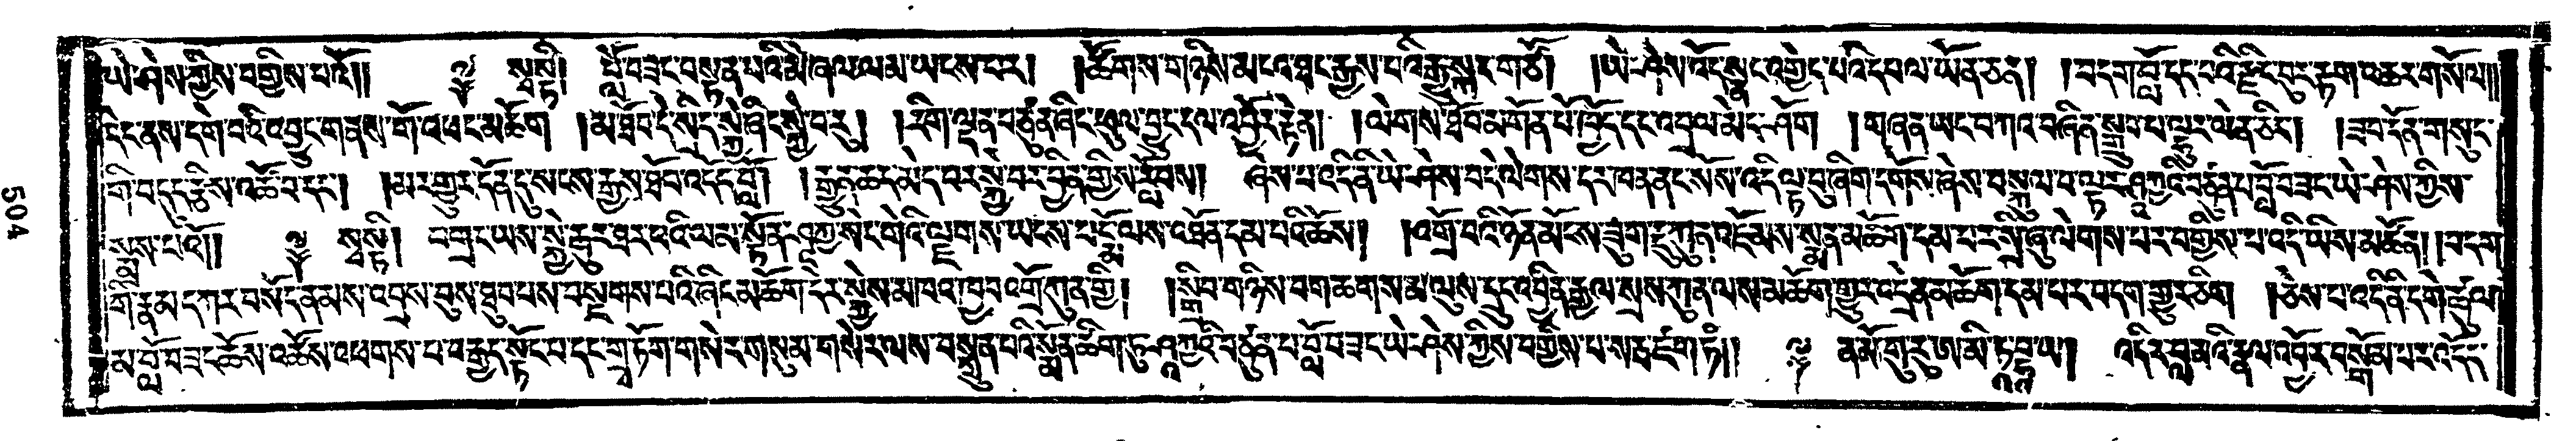ཡེ་ཤེས་ཀྱིས་བགྱིས་པའོ། །༈ སྭསྟི། བློ་བཟང་བསྟན་པའི་མེ་ཞལ་ལམ་ཡངས་པར། །ཚོགས་གཉིས་མངའ་ཐང་རྒྱས་པའི་རྒྱུ་སྐར་གཙོ། །ཡེ་ཤེས་འོད་སྣང་འགྱེད་པའི་དཔལ་ཡོན་ཅན། །བདག་བློ་དད་པའི་རྫིང་བུར་རྟག་འཆར་གསོལ།།
དེང་ནས་དགེ་བའི་འབྱུང་གནས་གོ་འཕང་མཆོག །མ་ཐོབ་དེ་སྲིད་སྐྱེ་ཞིང་སྐྱེ་བ་རུ། །རིག་ལྡན་བཙུན་ཞིང་ཕུལ་བྱུང་ངལ་འབྱོར་རྟེན། །ལེགས་ཐོབ་མགོན་པོ་ཁྱོད་དང་འབྲལ་མེད་ཤོག །གཞན་ཡང་བཀའ་བཞིན་སྒྲུབ་པ་ལྷུར་ལེན་ཅིང་། །ཟབ་དོན་གསུང་
གི་བདུད་རྩིས་འཚོ་བ་དང་། །མར་གྱུར་དོན་དུ་སངས་རྒྱས་ཐོབ་འདོད་བློ། །རྒྱུན་ཆད་མེད་པར་སྐྱེ་བར་བྱིན་གྱིས་རློབས། ཞེས་པ་འདི་ནི་ཡེ་ཤེས་བདེ་ལེགས་དར་ཁན་ནང་སོས་འདི་ལྟ་བུ་ཞིག་དགོས་ཞེས་བསྐུལ་བ་ལྟར་ཤཱཀྱའི་བཙུན་པ་བློ་བཟང་ཡེ་ཤེས་ཀྱིས་
སྨྲས་པའོ། །༈ སྭསྟི། བགྲང་ཡས་སྐྱེ་ཆུར་ཐར་པའི་ལམ་སྟོན་ཤཱཀྱ་སེང་གེའི་ལྗགས་ཡངས་པདམོ་ལས་འཐོན་དམ་པའི་ཆོས། །འགྲོ་བའི་ཉོན་མོངས་ཟུག་རྡུ་ཀུན་འཇོམས་སྨན་མཆོག་དམ་པར་སྲི་ཞུ་ལེགས་པར་བགྱིས་པ་འདི་ཡིས་མཚོན། །བདག་
གི་རྣམ་དཀར་བསོད་ནམས་འབྲས་བུས་ཐུབ་པས་བསྔགས་པའི་ཞིང་མཆོག་དེར་སྐྱེས་མཁའ་ཁྱབ་འགྲོ་ཀུན་གྱི། །སྒྲིབ་གཉིས་བག་ཆགས་མ་ལུས་དྲུང་འབྱིན་རྒྱལ་སྲས་ཀུན་ལས་མཆོག་གྱུར་འདྲེན་མཆོག་དམ་པར་བདག་གྱུར་ཅིག །ཅེས་པ་འདི་ནི་དགེ་ཚུལ་
མ་བློ་བཟང་ཆོས་འཚོས་འཕགས་པ་བརྒྱད་སྟོང་པ་དང་གྲྭ་ཏོག་གསེར་གསུམ་གསེར་ལས་བསྐྲུན་པའི་སྨོན་ཚིག་ཏུ་ཤཱཀྱའི་བཙུན་པ་བློ་བཟང་ཡེ་ཤེས་ཀྱིས་བགྱིས་པ་སརྦ་ཛ་ག་ཏཾ། །༈ ན་མོ་གུ་རུ་ཨ་མི་ཏཱ་བྷཱ་ཡ། འདིར་བླ་མའི་རྣལ་འབྱོར་བསྒོམ་པར་འདོད་